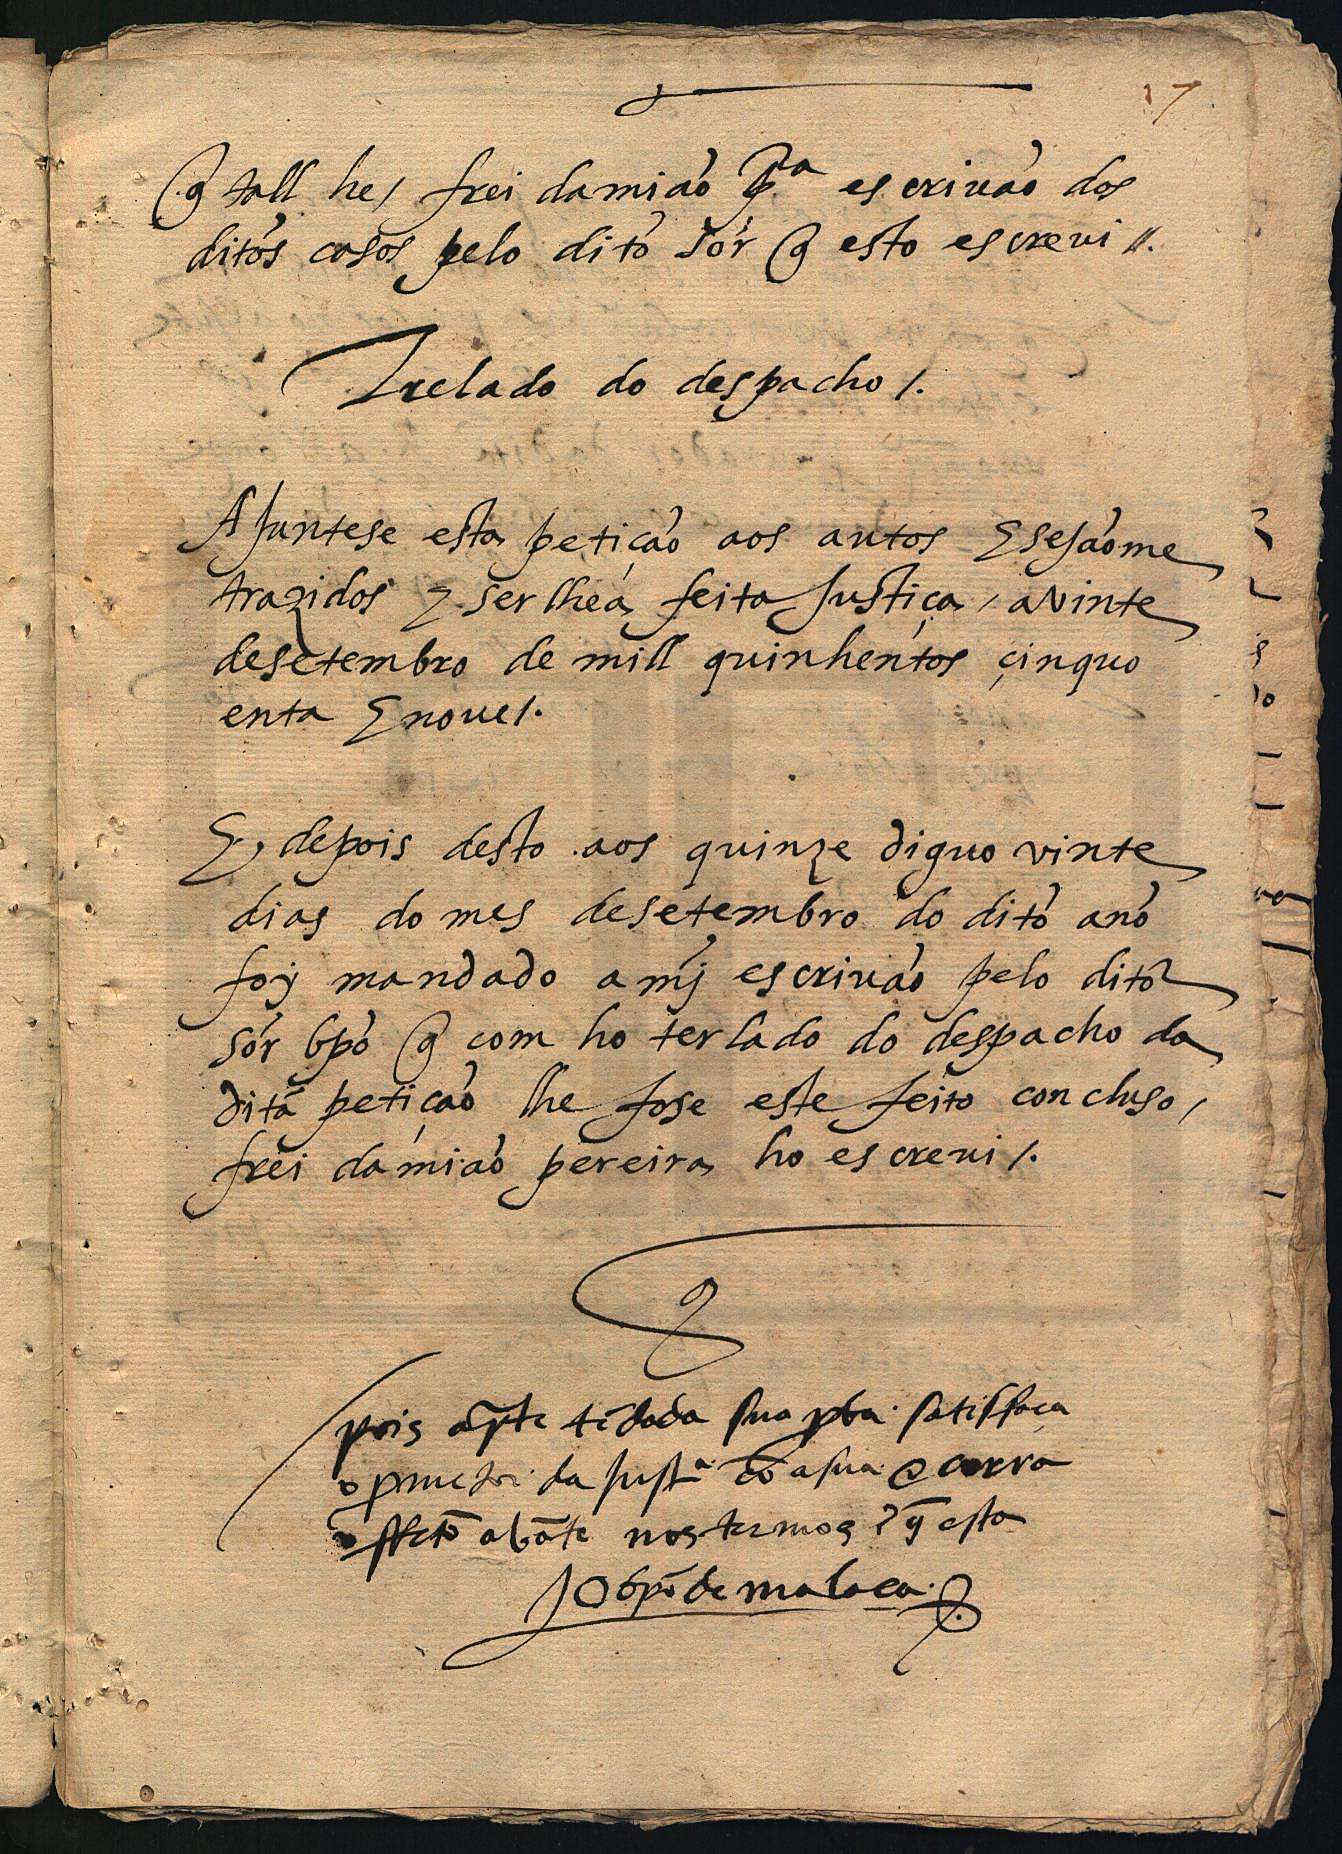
q̄ tall he / frei damiaõ pra escriuaõ dos
ditos casos pelo ditō sor̄ q̄ esto escreui //.
Trelado do despacho /.
AJuntese esta petiçaõ aos autos E sejaõme
trazidos E ser lhe a feita Justiã / a vinte
de setembro de mill quinhentos çinquo
enta E noue /.
E depois desto aos quinze diguo vinte
dias do mes de setembro do ditō anō
foy mandado a mj̄ escriuaõ pelo ditō
sor̄ bpō q̄ com o terlado do despacho da
ditā petiçaõ lhe fose este feito concluso /
frei damiaõ pereira ho escreui /.
ꝯ̄
pois a p̄te tē dada sua ꝓva. satisfaça
o ꝓmetor. da Justa c̄o a sua e corra
o ffctō avāte nos termos ē q̄ esta
O bpō de malaca
